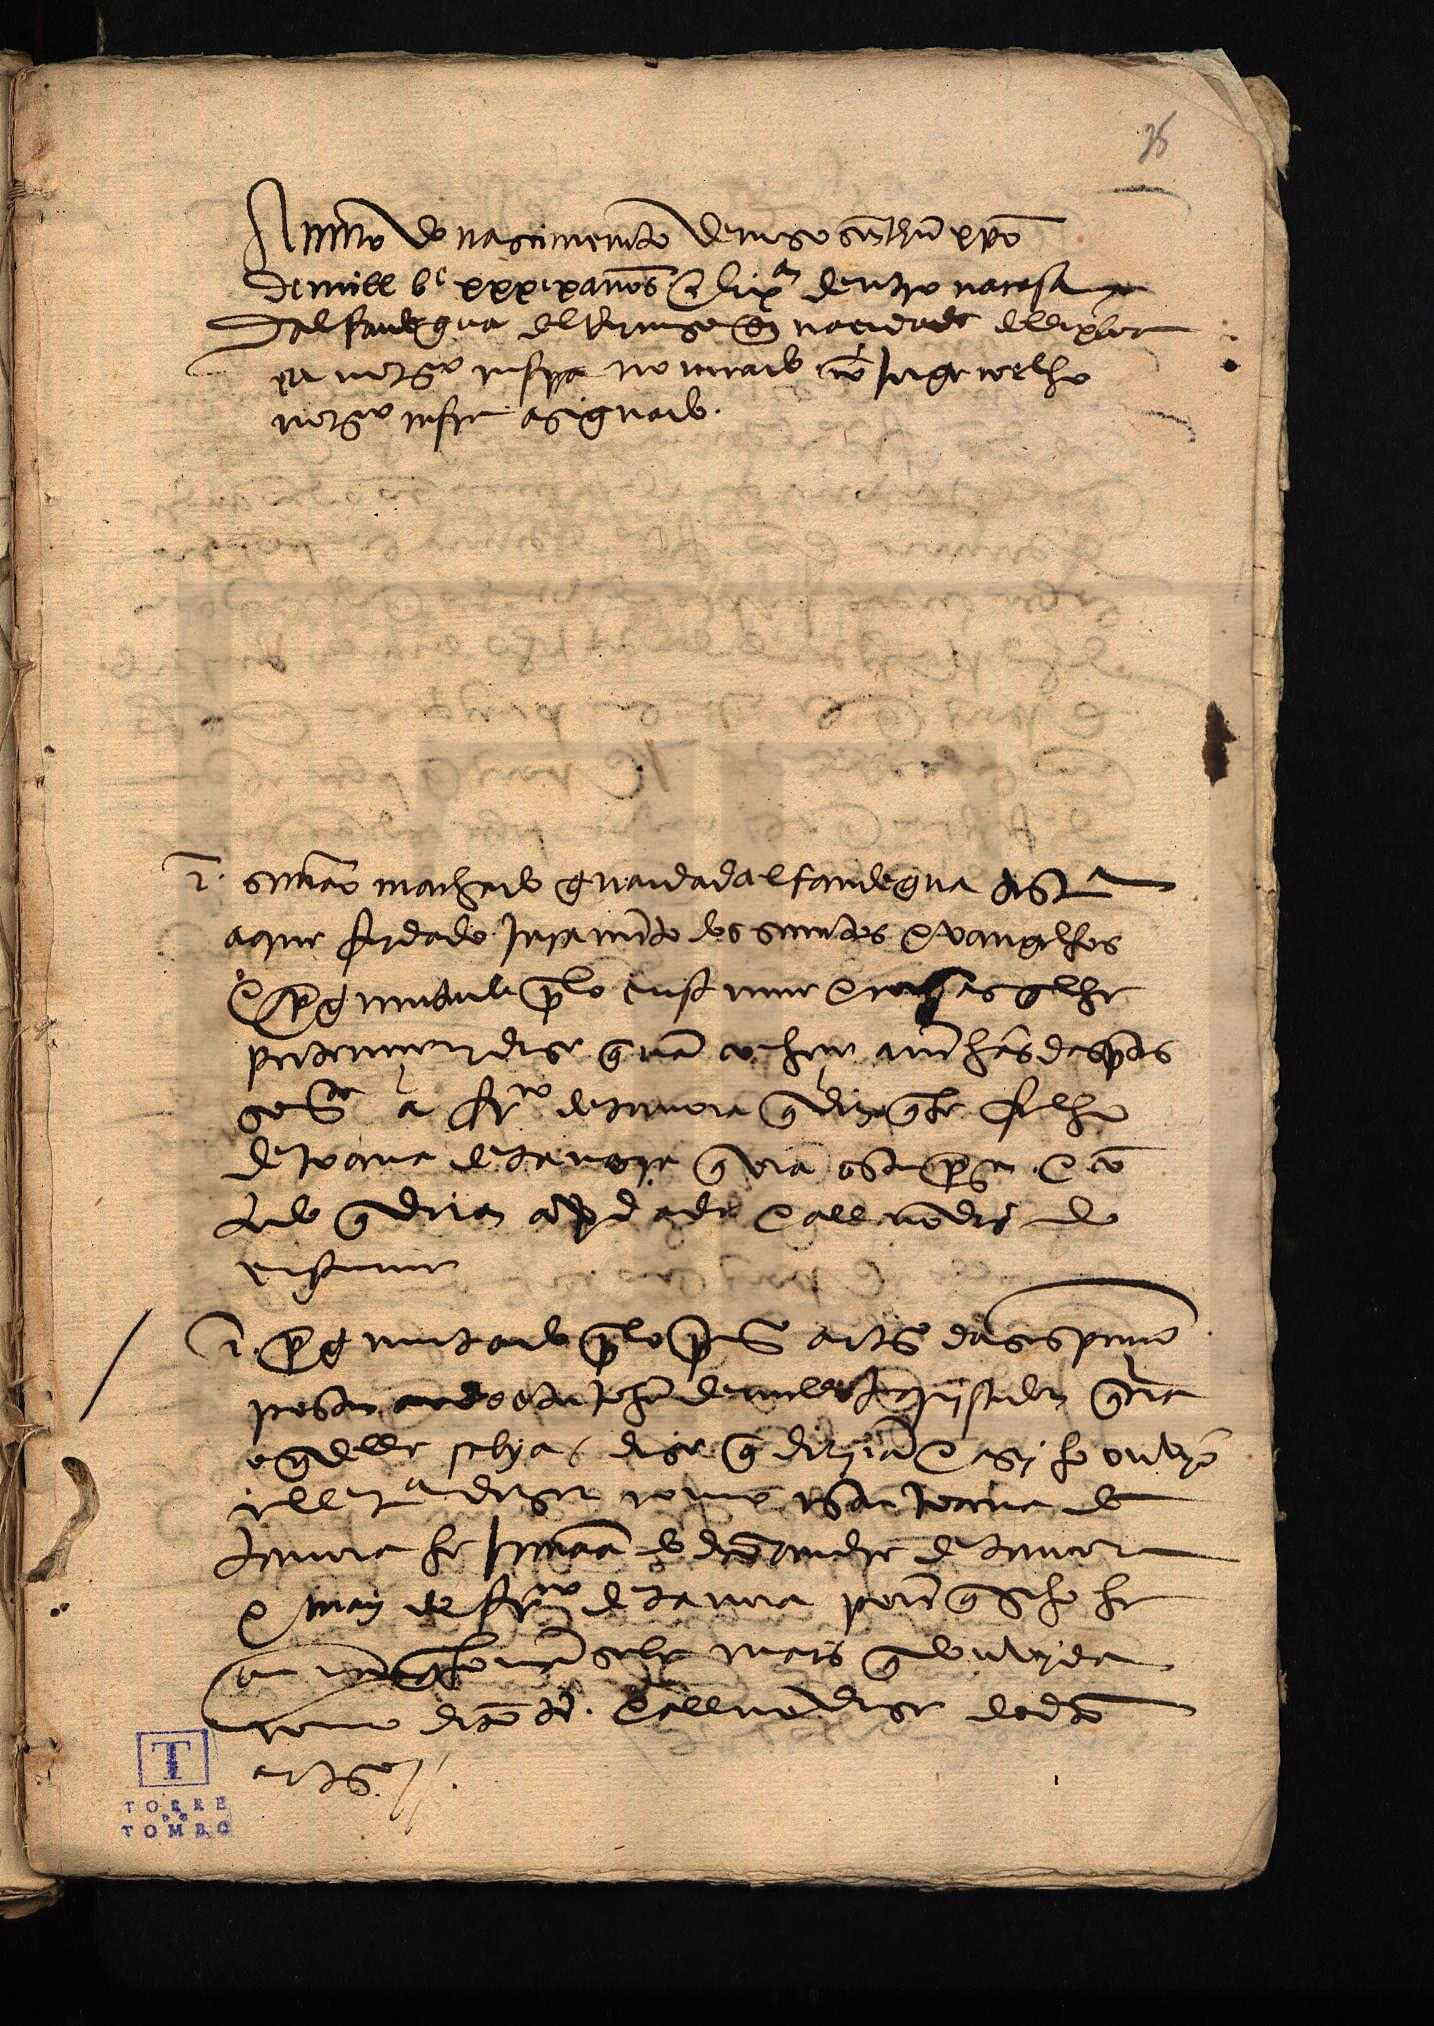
Anno do nascimemto de noso s̄or Jhū xpō
de mill bc xxxix an̄os ē lixa dentro na casa
dalfandegua del Rey noso s̄r na cidade de llixboa
eu notro infra nomeado cō Jorge coelho
notro infra asignado.
item . simão machado guarda dalfandegua testa
a que foy dado Juramēto dos samtos evangelhos
e ꝑgumtado p̄lo custume e cousas q̄ lhe
pertencem dise q̄ nā conhece a nēhas das p̄tes
somte a frco de tauora q̄ diz q̄ he filho
de Joaua de tauora q̄ ora esta p̄sa e c̄o
tudo q̄ dira a ꝟdade e all nō dise do
custume
item p̄gumtado p̄lo p̄mo arto da sospeição
posta ao doctor Johā de mello Jnqujsidor q̄ era
o q̄ delle sabya / dise q̄ diziā e asy ho ouvyo
elle ta dizer como esta Joana de
tauora he Jrmāa do dt̄o andre de tauora
e may do frco de tauora porē q̄ se ho he
ou nā q̄ ho nā sabe mais q̄ douvyda
como dito tē. e all nō dise do dt̄o
arto./
